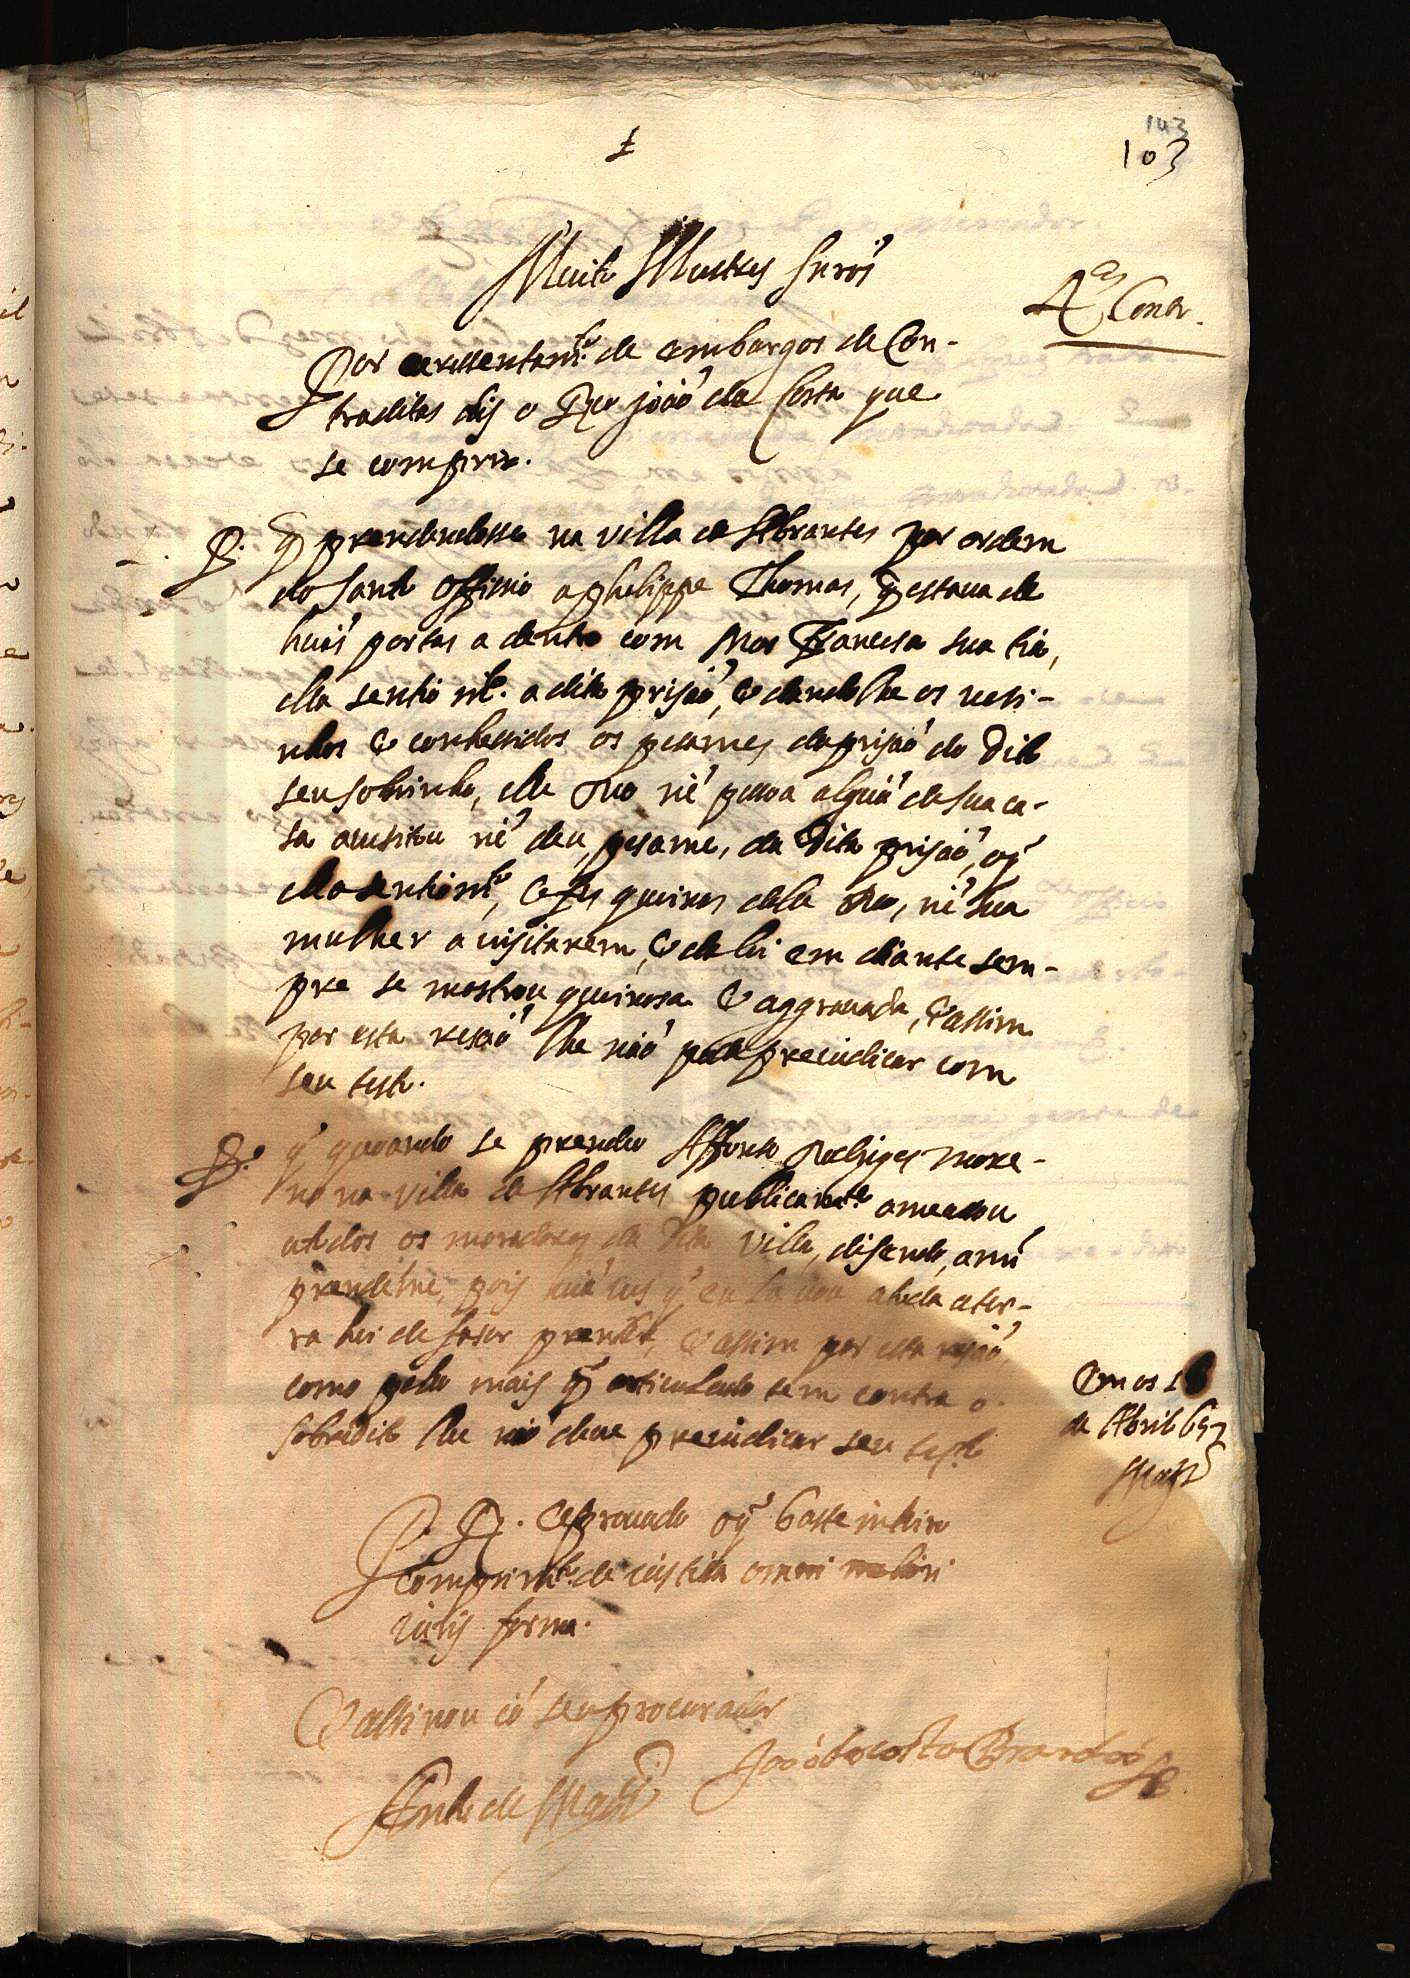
103
Muito Illustres snres̄
4as Contr.
Por acressentam.to de embargos de Con
traditas dis o Reo Joaõ da Costa que
se comprir.
P. q̄ prendendosse na villa de Abrantes por ordem
do Santo Offissio a phelippe Thomas, q̄ estaua de
huās portas adentro com Mor Francesa sua tia,
ella sentio m.to a dita prisaõ, e dandolhe os uesi
nhos e conhecidos os pesames da prisaõ do dito
seu sobrinho, elle Reo nē pessoa alguā de sua ca
sa a uesitou nē deu, pesame, da dita prisaõ, o q̄
ella sentio mto, e fes queixas delle Reo, nē sua
mulher a uisitarem, e dahi em diante sem
pre se mostrou queixosa e aggrauada, e assim
por esta resaõ lhe naõ pode preiudicar com
seu testo.
Ꝓ q̄ quando se prendeo Affonso Rodriges more
no na villa de Abrantes publicam.te ameassou
a todos os moradores da dita Villa, disendo, a mī
prendēme, pois huā ues q̄ eu la uou a toda a ter
ra hei de faser prender, e assim por esta resão
como pello mais q̄ articulado tem contra o
sobredito lhe nō deue preiudicar seu tes.to
Em os 1
de Abril 657
Mages
P R. e prouado o q̄ baste inteiro
comprim.to de iustiça omni meliori
iuris forma.
E assinou cō seu procurador
Joaõ do costa Brandaõ
Anto de Mages
